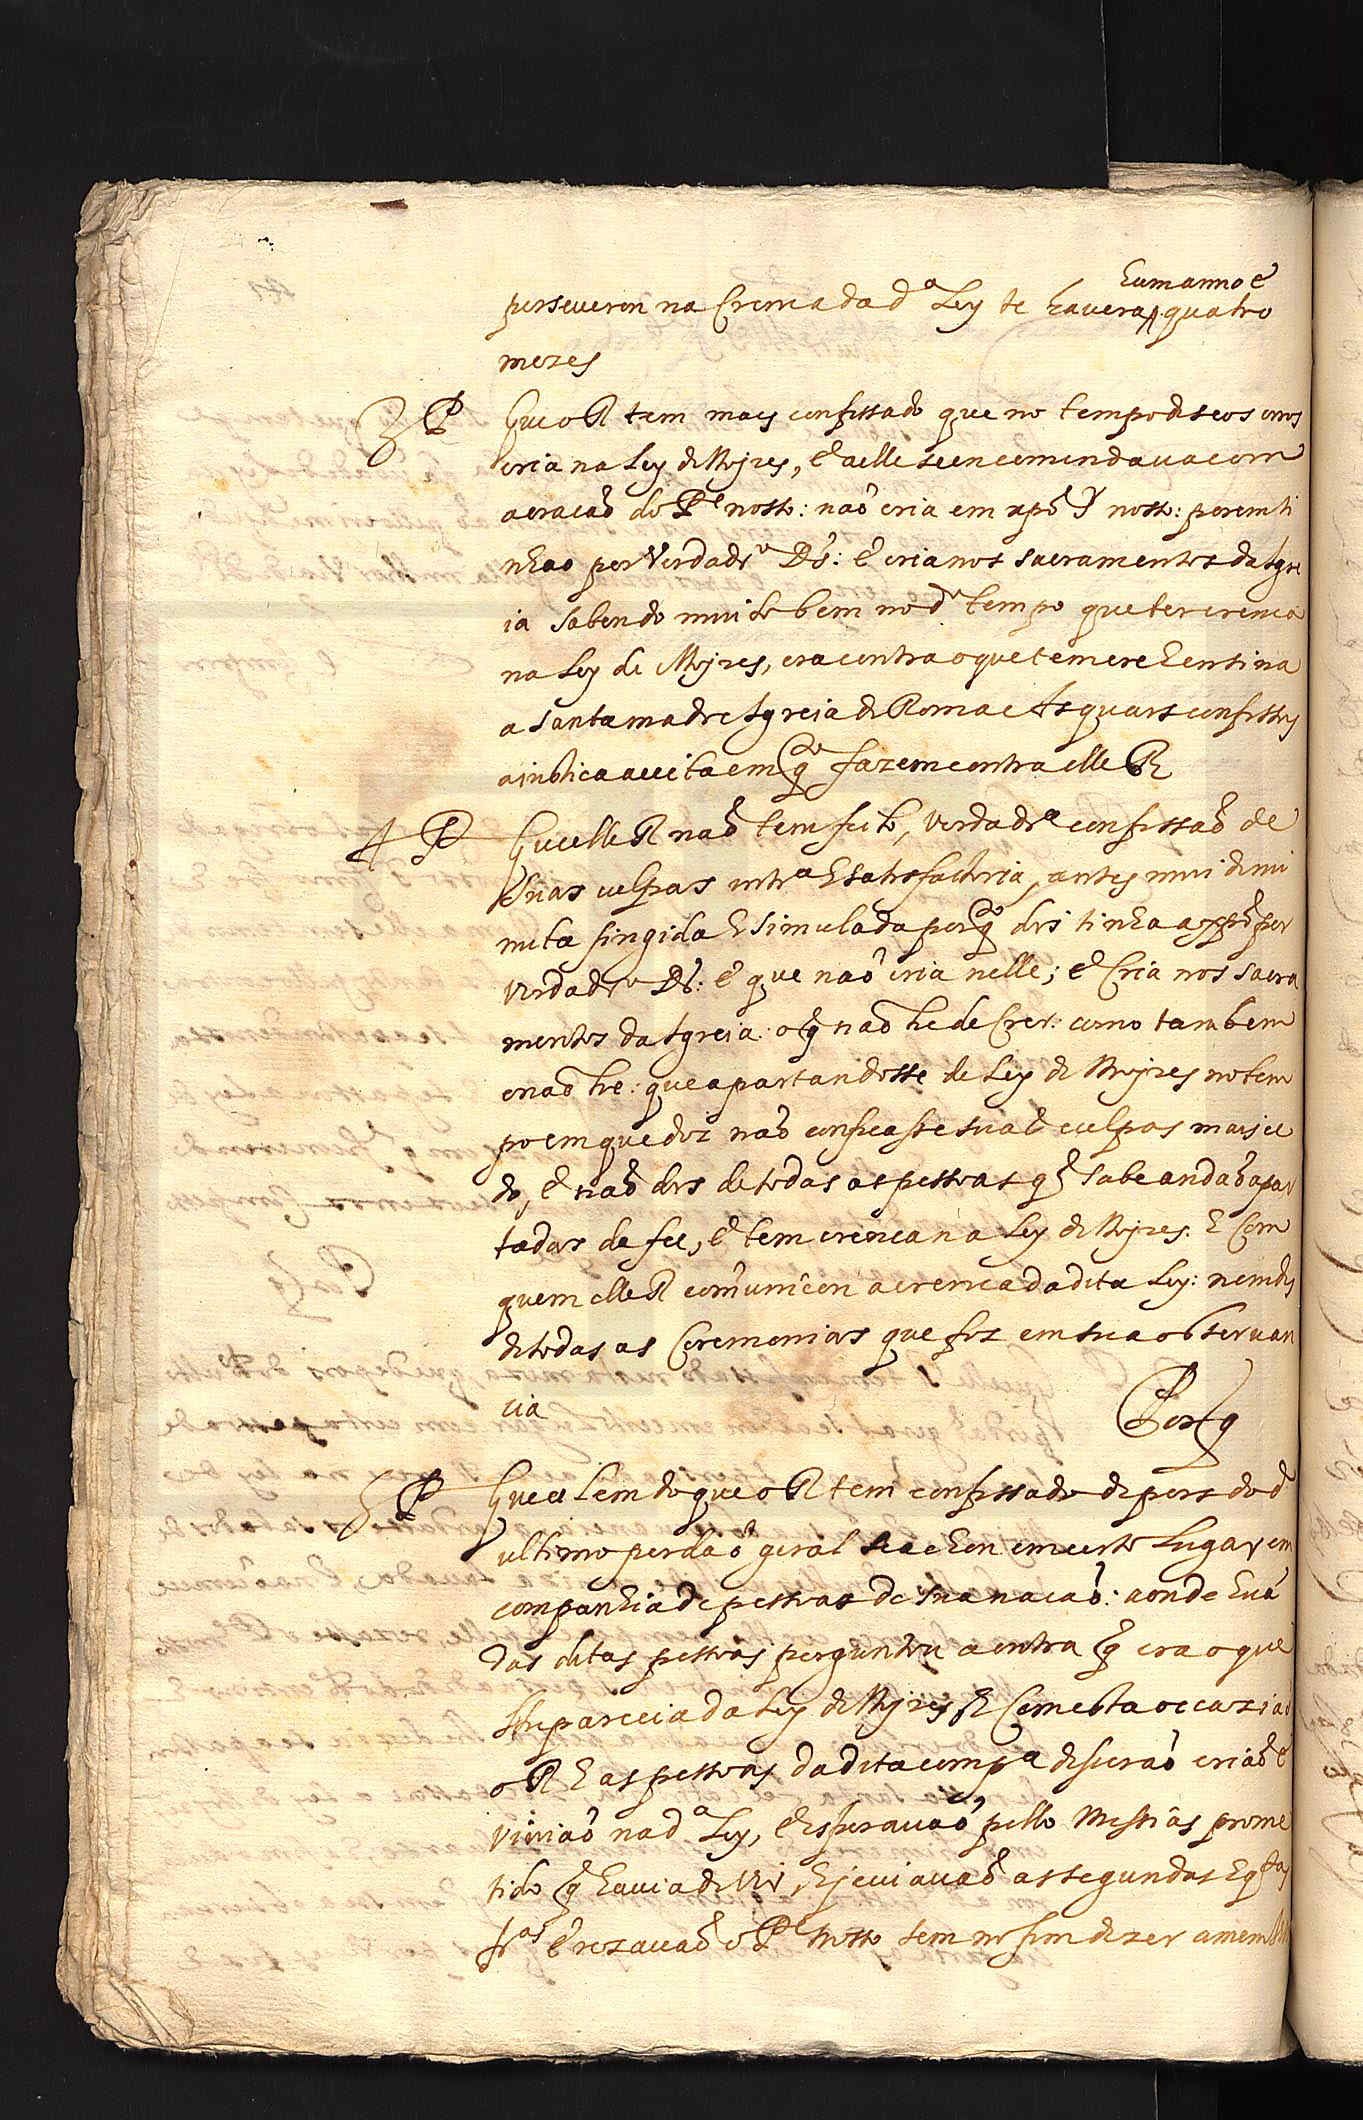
perseuerou na Crenca da da Ley te hauera
hum anno e
quatro
mezes
Que o R tem mais confessado que no tempo de seos erros
cria na Ley de Mojzes, E a elle se encomendaua com
a oracaõ do Pe nosso: naõ cria em xpō sr nosso: porem ti
nhao por Verdadro Ds̄: E cria nos sacramentos da Igre
ia sabendo muito bem no do tempo que ter crenca
na Ley de Mojzes, era contra o que tem cre E ensina
a santa madre Igreia de Roma As quaes confissois
a iustica aceita em qto fazem contra elle R
Que elle R naõ tem feito, verdadra confissaõ de
suas culpas intra E satisfactoria, antes mui dimi
nuta fingida E simulada porqto dis tinha a xpō por
verdadro Ds̄. E que naõ cria nelle; E Cria nos sacra
mentos da Igreia: o q̄ naõ he de Crer: como tambem
o naõ he: que apartandosse de Ley de Mojzes no tem
po em que diz naõ confecasse suas culpas mais ce
do, E naõ dis de todas as pessoas q̄ sabe andaõ apar
tadas da fee, E tem crenca na Ley de Mojzes. E Com
quem elle R com̄unicou a crenca da dita Ley: nem dis
de todas as Ceremonias que fez em sua obseruan
cia
Por q̄
Que aLem do que o R tem confessado depois do do
ultimo perdaõ geral se achou em certo Lugar em
companhia de pessoas de sua nacaõ: aonde huā
das ditas pessoas perguntou a outra q̄ era o que
Lhe parecia da Ley de Mojzes, E Com esta occazia
o R E as pessoas da dita compa disseraõ criaõ
viviaõ na da Ley, E esperauaõ pello Messias prome
tido q̄ hauia de vir, E jeiuauaõ as segundas E qtas
fras E rezauaõ o Pe nosso sem no fim dizer amem
